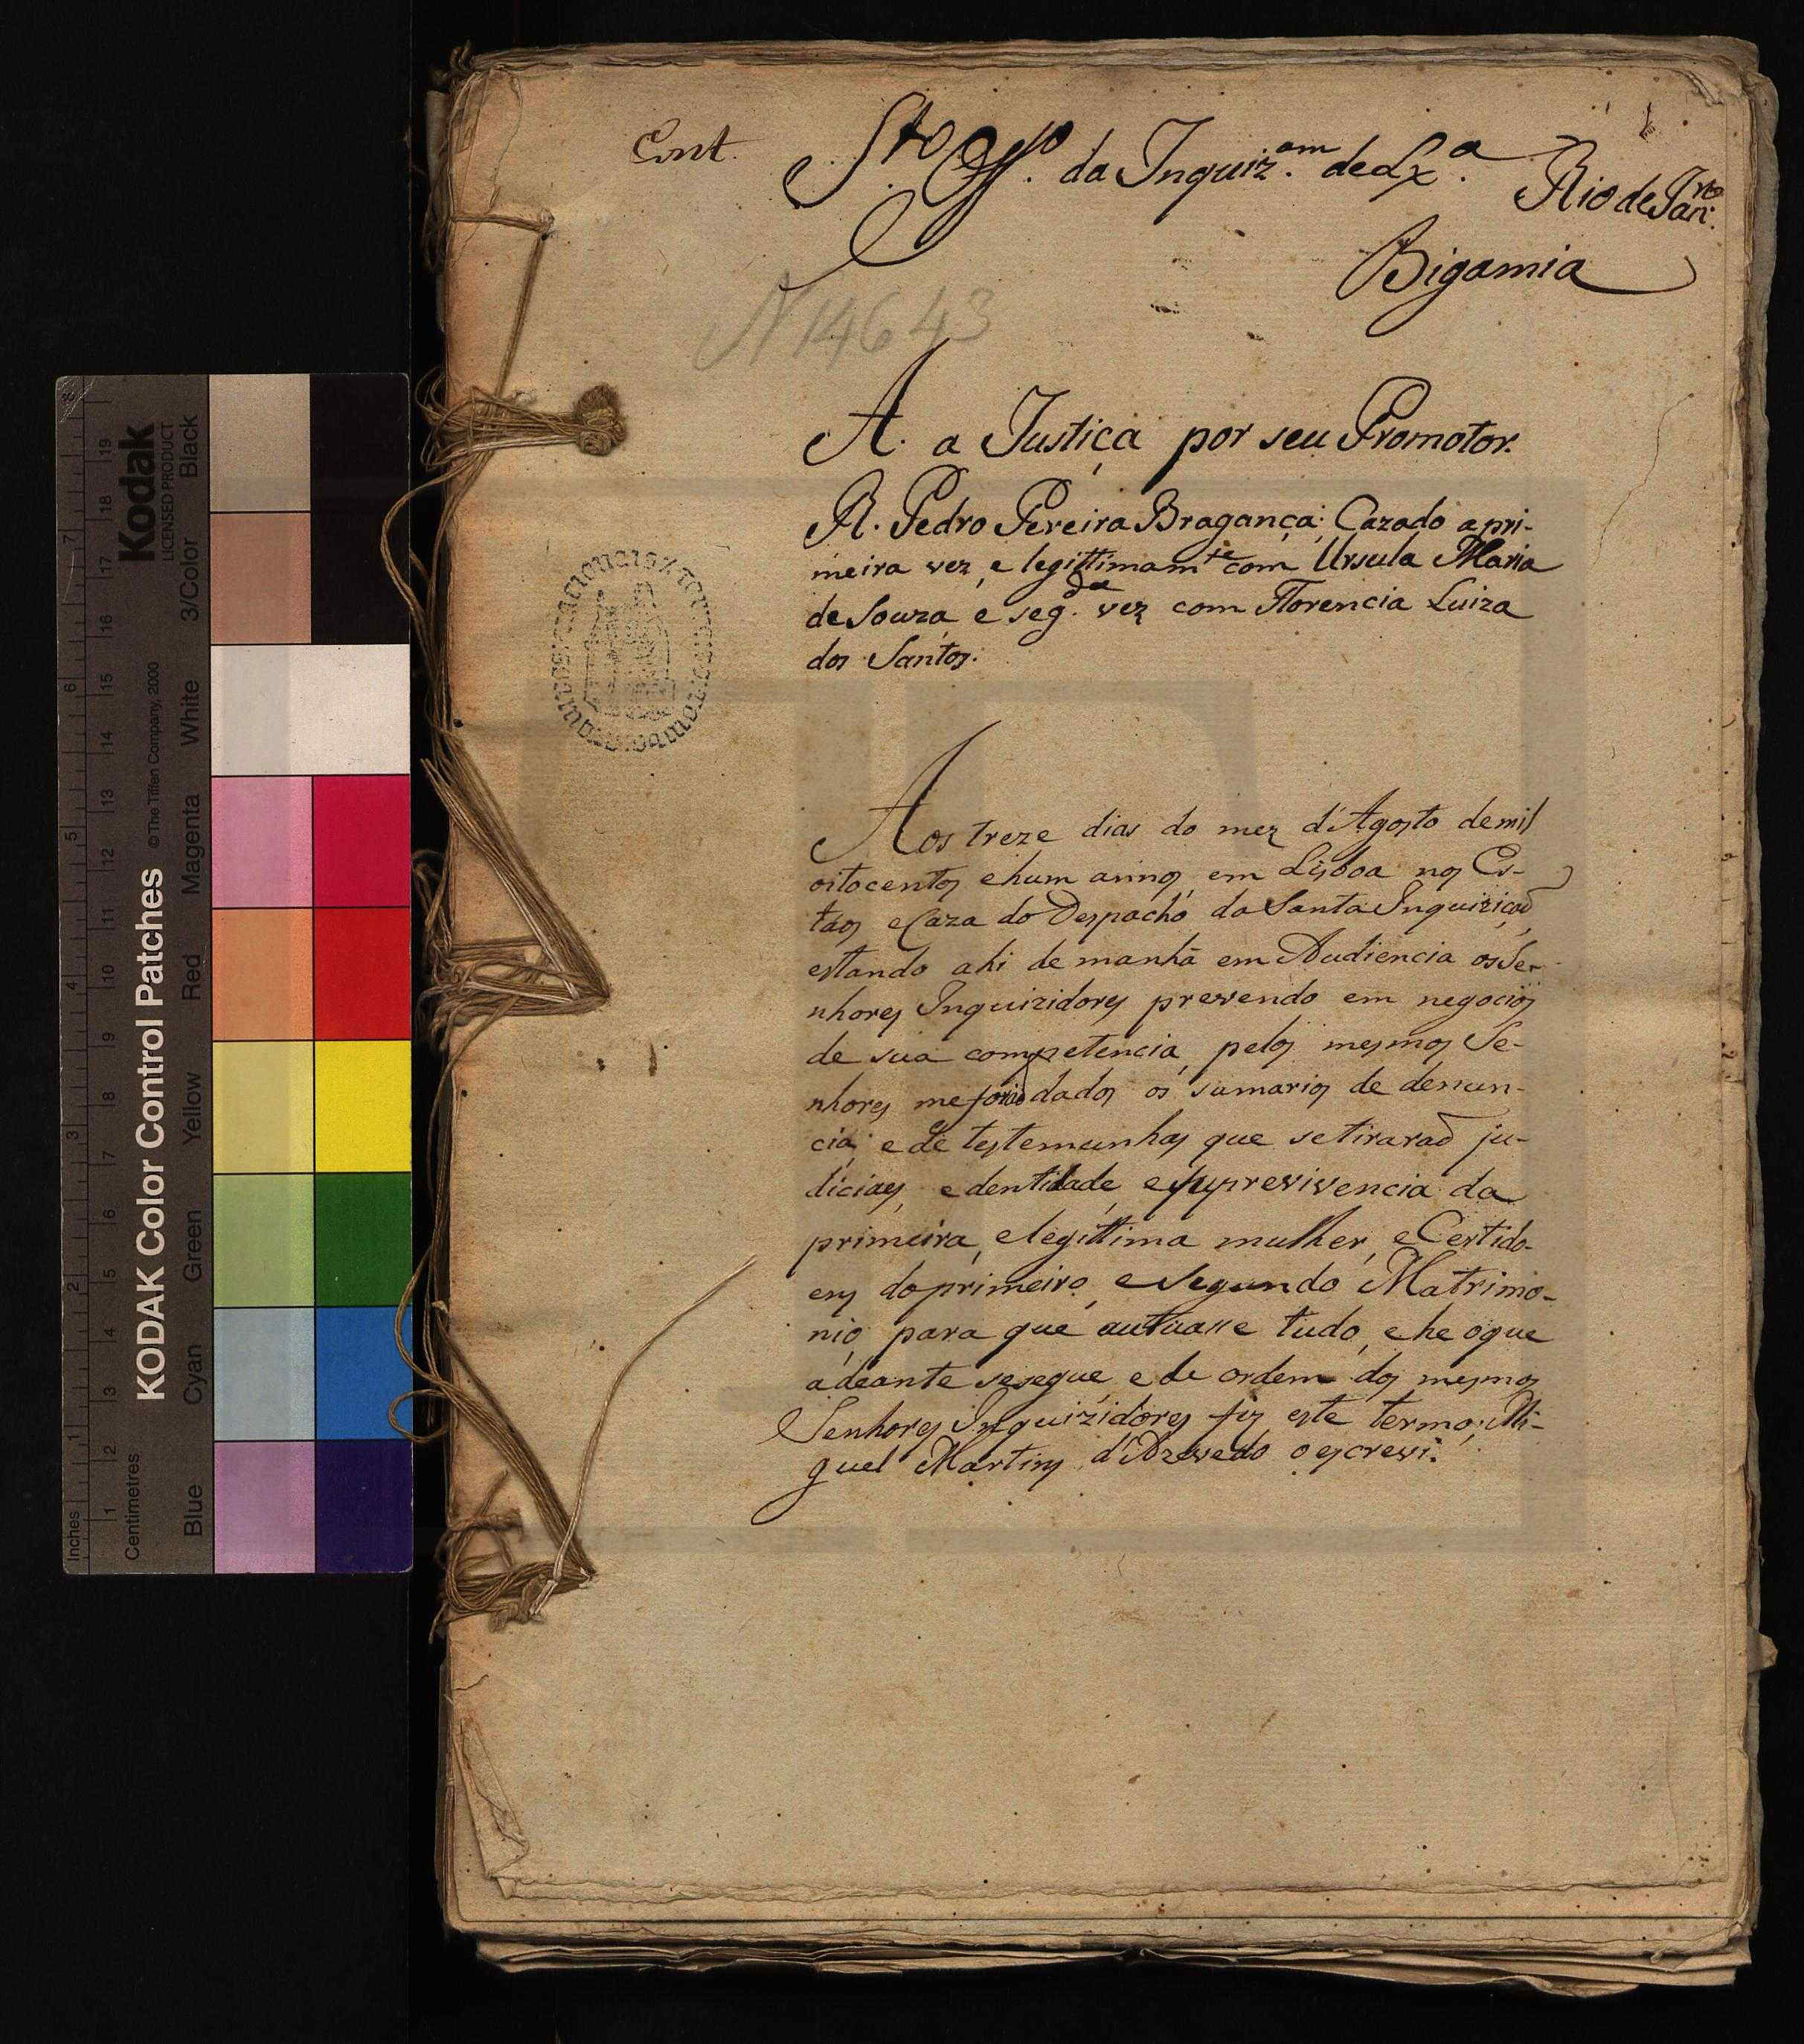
S.to Off.o da Inquiz.am de Lx.a
Rio de Ian.ro
Bigamia
A. a Justica por seu Promotor.
R. Pedro Pereira Bragança: Cazado a pri
meira vez, e legittimamte com Ursula Maria
de Souza, e seg.da vez com Florencia Luiza
dos Santos.
Aos treze dias do mez d'Agosto de mil
oitocentos e hum annos, em Lisboa nos Es
táos, e Caza do Despacho da Santa Inquiziçaõ
estando ahi de manhã em Audiencia os Se
nhores Inquizidores prevendo em negocios
de sua competencia, pelos mesmos Se
nhores me foraõ dados os sumarios de denun
cia, e de testemunhas que se tiraraõ ju
diciaes edentidade, e suprevivencia da
primeira e legittima mulher, e Certido
ens do primeiro, e segundo Matrimo
nio, para que autuasse tudo, e he o que
adeante se segue, e de ordem dos mesmos
Senhores Inquizidores fiz este termo; Mi
guel Martins d'Azevedo o escrevi:
